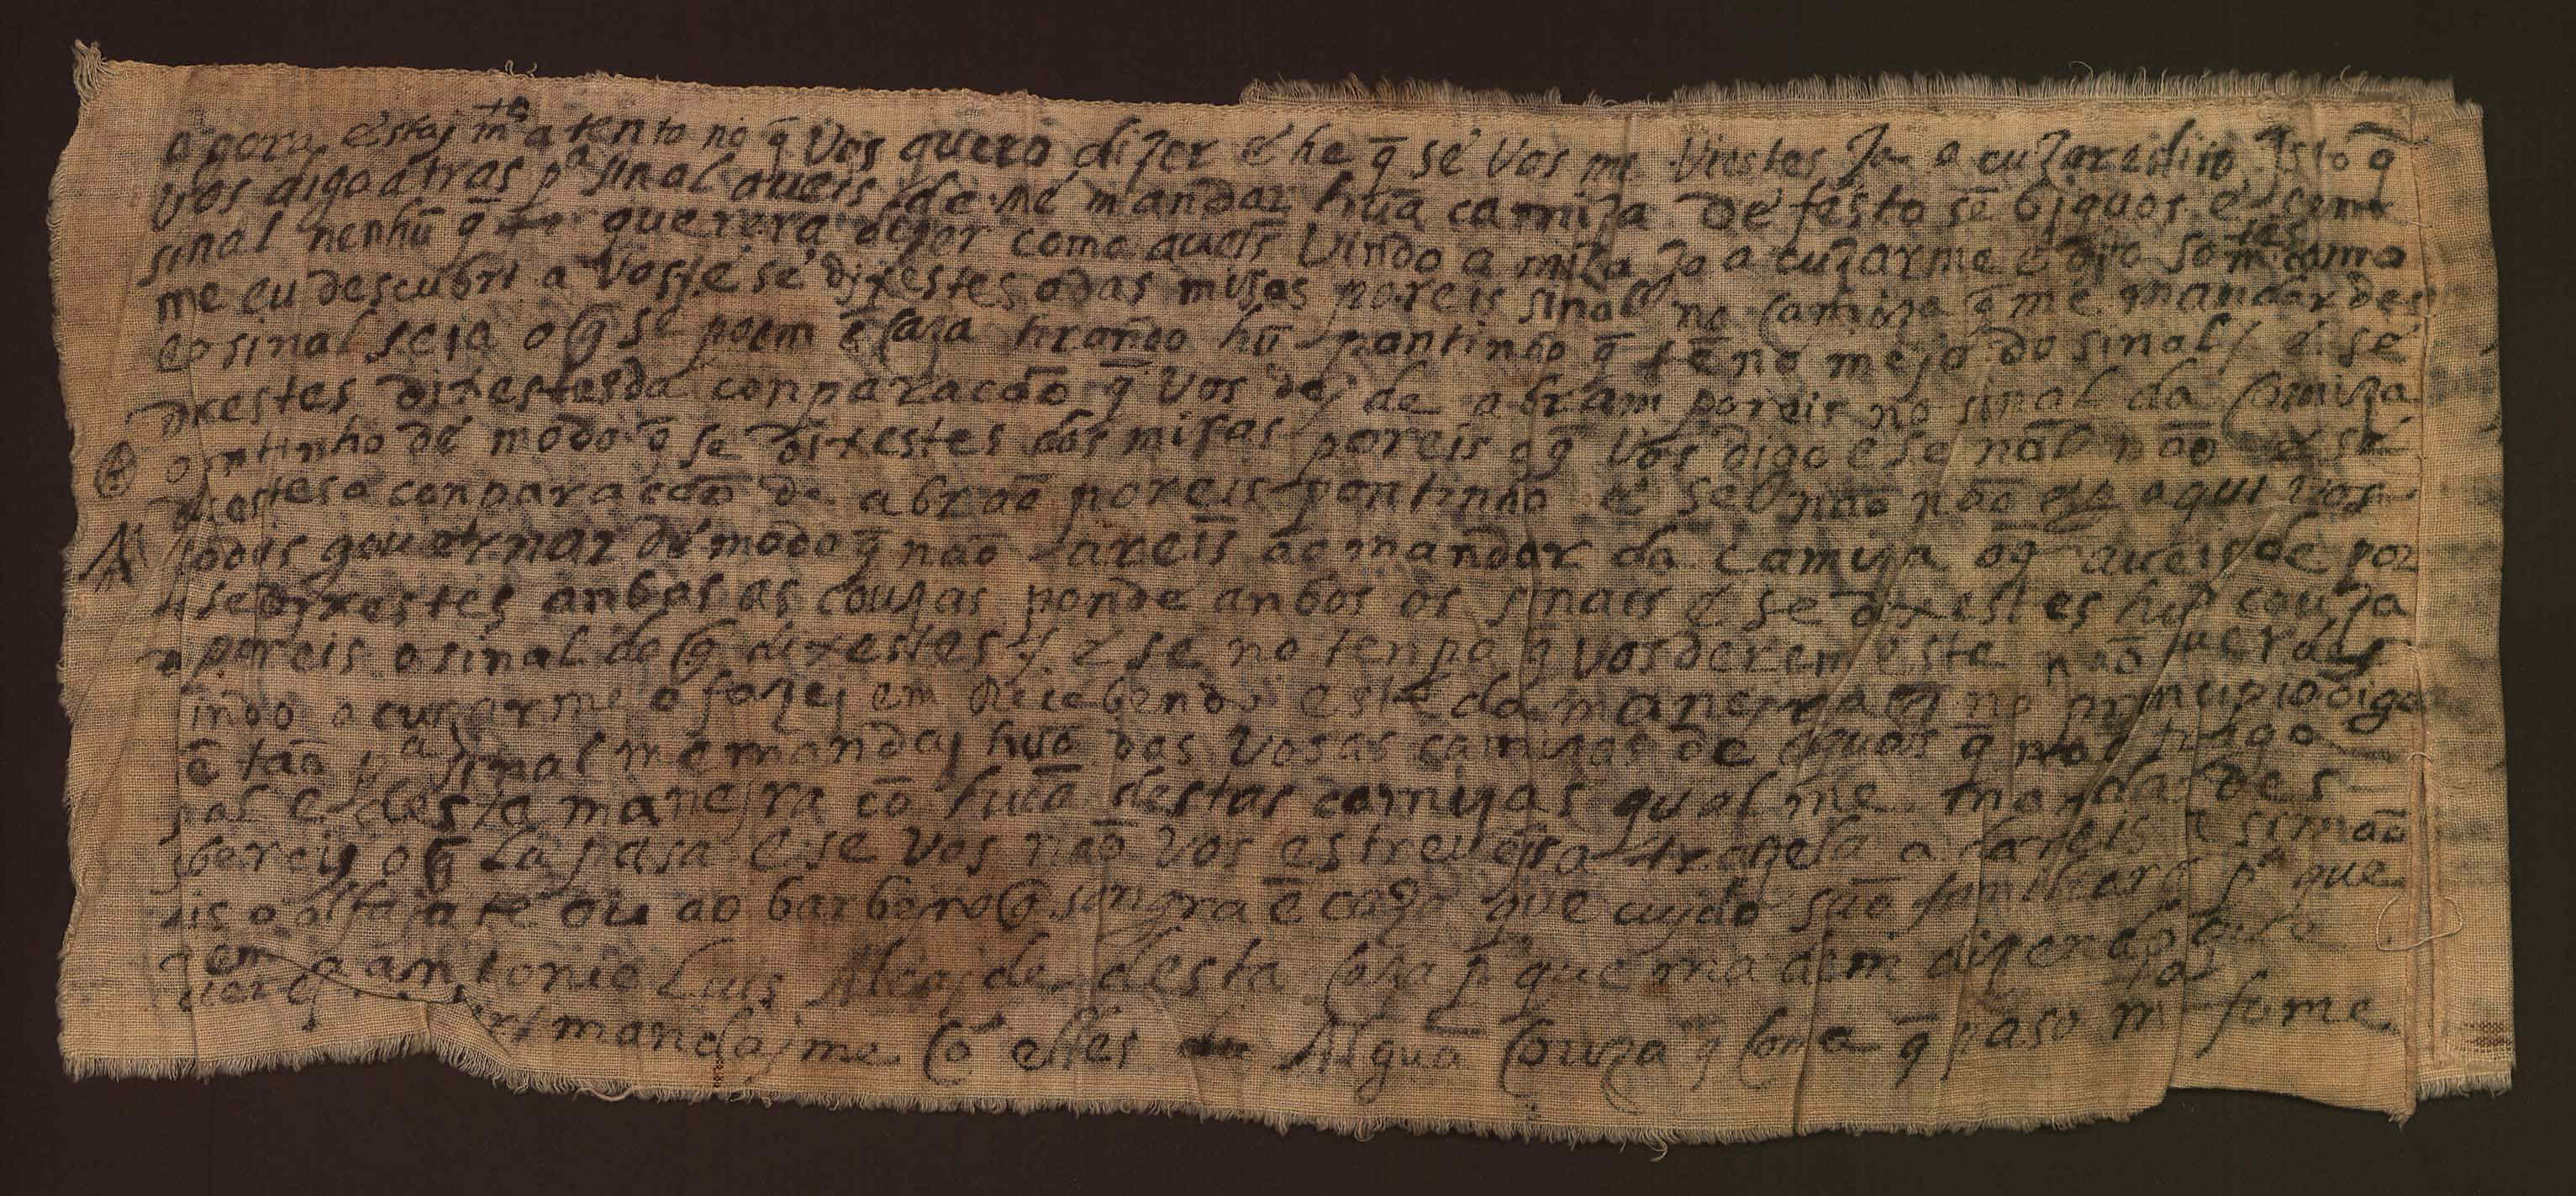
Ⓐ
Ꜳ
agora estaj mto atento no q̄ vos quero dizer e he q̄ se vos me viestes Ja acuzar e dito Jsto q̄
vos digo atras pa sinal aueis de me mandar huā camiza de festo sē biquos e com
sinal nenhū q̄ qer querera dizer como auejs vindo a meza Ja acuzar me e djto somtes como
me eu descubri a vos / e se dyxestes o das misas pores sinal na camiza q̄ me mandardes
e o sinal seja o q̄ poem ē Caza tirando hū pontinho q̄ tē no mejo do sinal / e se
dxestes dixestes da conparaçaõ q̄ vos dej de abram poreis no sinal da Camiza
o ntinho de modo q̄ se dixestes das misas poreis o q̄ vos digo e se não não e se
d_estes a conparaçaõ de abraõ poreis pontinho e se não naõ e ꝑ aqui vos
podeis gouernar de modo q̄ naõ areīs ao mandar da camiza o q̄ aueis de por
e se dyxestes anbas as couzas ponde anbos os sinais e se dixestes hua couza
poreis o sinal do q̄ dixestes ./. e se no tenpo q̄ vos derem este naõ uerdes
indo a curar me o fazej em Recebendo este da manejra q̄ no principio digo
ētaõ pa sinal me mandaj huā das vosas camizas de biquos q̄ naõ traga
nal e desta manejra cō huā destas camizas qual me mandardes
sbereis o q̄ la pasa e se vos naõ vos estreuejs a trazela a dareis a simaõ
is o alfajate ou ao barbejro q̄ sangra ē caza que cujdo saõ familiares pa que
em
a antonio Luis Alcajde desta Caza ꝑ que ma dem dizendo que
uerej
r / mandajme Cō elles alu Alguā Couza q̄ Coma q̄ paso mta fome
